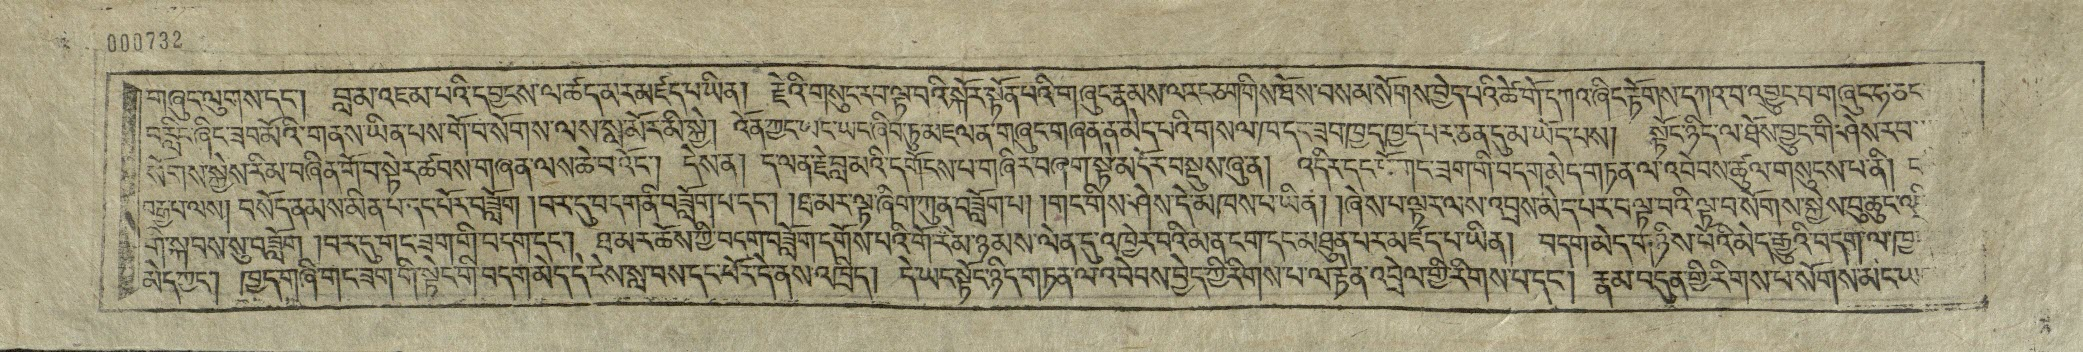གཞུང་ལུགས་དང་། བླ་མ་འཇམ་པའི་དབྱངས་ལ་ཚད་མར་མཛད་པ་ཡིན། རྗེའི་གསུང་རབ་ལྟ་བའི་སྐོར་སྟོན་པའི་གཞུང་རྣམས་ལ་རང་ཅག་གིས་ཐོས་བསམ་སོགས་བྱེད་པའི་ཚེ་གོ་དཀའ་ཞིང་རྟོགས་དཀའ་བ་འབྱུང་བ་གཞུང་ཧ་ཅང་
བརླིང་ཞིང་ཟབ་མོའི་གནས་ཡིན་པས་གོ་བ་སོགས་ལས་སླ་མོར་མི་སྐྱེ། འོན་ཀྱང་ཡང་ཡང་ཞིབ་ཏུ་མཇལ་ན་གཞུང་གཞན་ན་མེད་པའི་གསལ་ཁ་དང་ཟབ་ཁྱད་ཁྱད་པར་ཅན་དུ་མ་ཡོད་པས། སྟོང་ཉིད་ལ་ཐོས་བྱུང་གི་ཤེས་རབ་
སོགས་སྐྱེས་རིམ་བཞིན་གོ་བ་སྟེར་ཚབས་གཞན་ལས་ཆེ་བ་འོང་། དེས་ན། ད་ལན་རྗེ་བླ་མའི་དགོངས་པ་གཞིར་བཞག་སྟེ་མདོར་བསྡུས་ཞུ་ན། འདིར་དང་པོ་གང་ཟག་གི་བདག་མེད་གཏན་ལ་འབེབས་ཚུལ་གསུངས་པ་ནི། བཞི་
བརྒྱ་པ་ལས། བསོད་ནམས་མིན་པ་དང་པོར་བཟློག །བར་དུ་བདག་ནི་བཟློག་པ་དང་། །ཐ་མར་ལྟ་ཞིག་ཀུན་བཟློག་པ། །གང་གིས་ཤེས་དེ་མཁས་པ་ཡིན། །ཞེས་པ་ལྟར་ལས་འབྲས་མེད་པར་བལྟ་བའི་ལྟ་བ་སོགས་སྐྱེས་བུ་ཆུང་འབྲིང་
གི་སྐབས་སུ་བཟློག །བར་དུ་གང་ཟག་གི་བདག་དང་། ཐ་མར་ཆོས་ཀྱི་བདག་བཟློག་དགོས་པའི་གོ་རིམ་ཉམས་ལེན་དུ་འཁྱེར་བའི་མན་ངག་དང་མཐུན་པར་མཛད་པ་ཡིན། བདག་མེད་གཉིས་པོའི་མེད་རྒྱུའི་བདག་ལ་ཁྱད་
མེད་ཀྱང་། ཁྱད་གཞི་གང་ཟག་གི་སྟེང་གི་བདག་མེད་དེ་ངེས་སླ་བས་དང་པོར་དེ་ནས་འཁྲིད། དེ་ཡང་སྟོང་ཉིད་གཏན་ལ་འབེབས་བྱེད་ཀྱི་རིགས་པ་ལ་རྟེན་འབྲེལ་གྱི་རིགས་པ་དང་། རྣམ་བདུན་གྱི་རིགས་པ་སོགས་མང་ཡང་།